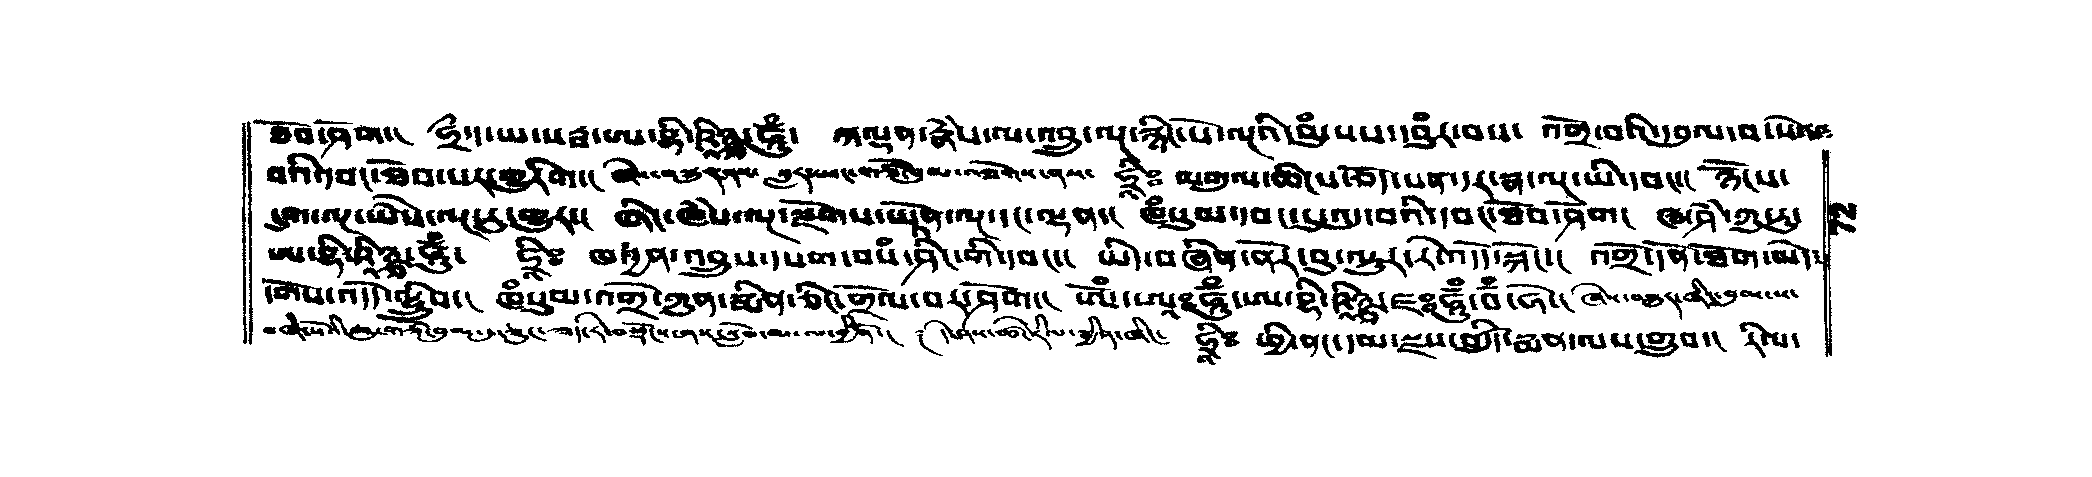ཐོབ་ཤོག ཧྲྀ་དང་ཡ་སརྦ་ཨ་བྷི་རཱིཉྩ་ཧཱུྃ། སྐལ་ལྡན་རྣམས་ལ་འབྲུ་ལྔ་སྙིང་པོ་ལྔའི་བུམ་པས་དབང་བསྐུར་བས། འགྲོ་བའི་དབུལ་བ་སེལ་
བའི་དབང་ཐོབ་པར་གྱུར་ཅིག ཞེས་བསྐུར་ནས། སླར་ཡང་གཙོ་བུམ་འཐོགས་ནས། ཧྲཱིཿ མགུལ་ཆིངས་ཅོད་པན་དར་སྣ་ལྔ་ཡི་དབང་། ཉོན་མོངས་
དུག་ལྔ་ཡེ་ཤེས་ལྔ་རུ་གྱུར།ཞིང་ཁམས་ལྔ་རྫོགས་ཡོན་ཏན་ལྔ་དང་ལྡན། ཁམས་གསུམ་དབང་དུ་འདུ་བའི་དབང་ཐོབ་ཤོག ཝ་ཤམ་ཀུ་རུ་
ཨ་བྷི་རཱིཉྩ་ཧཱུྃ། ཧྲཱིཿ ཁ་བརྒྱན་འབྲས་བུ་དཔག་བསམ་ཤིང་གི་དབང་། ཡིད་བཞིན་ནོར་བུ་ལྟ་བུར་རེ་འདོད་སྐོང་། འགྲོ་དོན་ཐོག་མེད་
དགོས་འདོད་ལྷུན་གྱིས་གྲུབ། ཁམས་གསུམ་འགྲོ་ཀུན་སྨིན་ཅིང་གྲོལ་བར་ཤོག ཨོཾ་ཨཱཿཧཱུྃ་ཨ་བྷི་རཱིཉྩ་ཛཿཧཱུྃ་བྃ་ཧོ། ཞེས་བསྐུར་ཞིང་བུམ་པ་
བཞི་པོའི་ཚོ་གཙོ་བུམ་དུ་ཅུང་ཟད་རེ་བསྡོངས་ནས་སློབ་མ་ལ་བྱིན་ནོ། ༈ དེ་ནས་ཚེ་རིལ་སྦྱིན་ཞིང་། ཧྲཱིཿ ཕྱི་ནང་དམ་རྫས་བདུད་རྩི་སྨན་ལས་གྲུབ། རིལ་